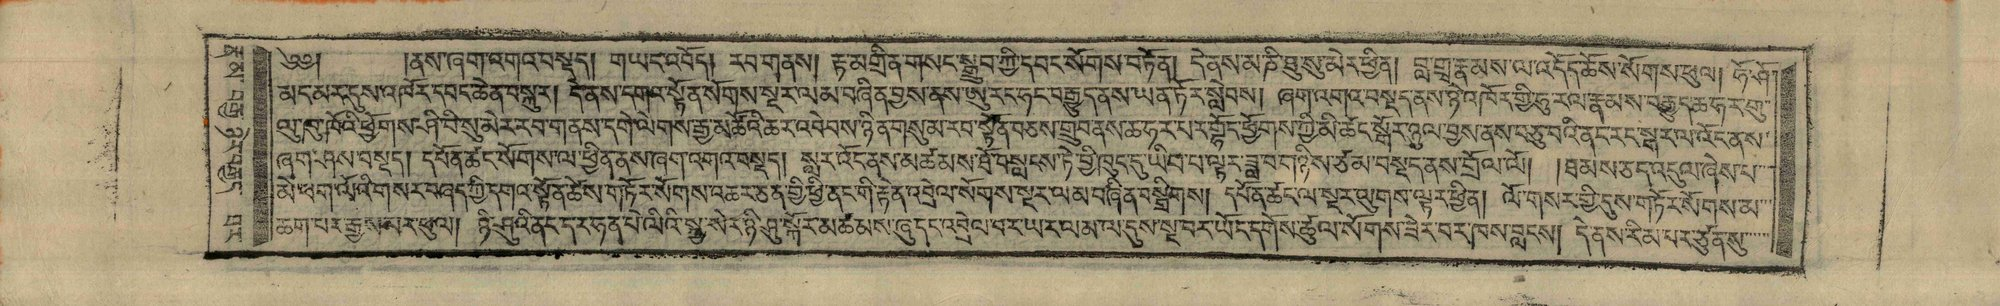༄༅། །ནས་ཞག་འགའ་བསྡད། གཡང་འབོད། རབ་གནས། རྟ་མགྲིན་གསང་སྒྲུབ་ཀྱི་དབང་སོགས་བཏོན། དེ་ནས་མ་ཎི་ཐུ་སུ་མེར་ཕྱིན། བླ་གྲྭ་རྣམས་ལ་འདོད་ཆོས་སོགས་ཕུལ། ཧོ་ཤོ་
མང་མར་དུས་འཁོར་དབང་ཆེན་བསྐུར། དེ་ནས་དགའ་སྟོན་སོགས་སྔར་ལམ་བཞིན་བྱས་ནས་ཨུ་རང་ཧང་བརྒྱུད་ནས་ཡན་ཏོར་སླེབས། ཞག་འགའ་བསྡད་ནས་ཉེ་འཁོར་གྱི་ཧུ་རལ་རྣམས་བརྒྱུད་ཆ་ཧར་གུ་
ལུ་ཁུ་ཁོའི་ཕྱོགས་ཤི་བི་སུ་མེར་རབ་གནས་དགེ་ལེགས་རྒྱ་མཚོའི་ཆར་འབེབས་ཉིན་གསུམ་རབ་སྟོན་བཅས་གྲུབ་ནས་ཆ་ཧར་པར་གྷོང་ཕྱོགས་ཀྱི་མི་ཚང་སྒོར་ཉུལ་བྱས་ནས་བཅུ་པའི་ནང་རང་སྒར་ལ་འོང་ནས་
ཞག་ཤས་བསྡད། དཔོན་ཚང་སོགས་ལ་ཕྱིན་ནས་ཞག་འགའ་བསྡད། སླར་འོང་ནས་མཚམས་ཐོ་བསླངས་ཏེ་བྱི་ཁུང་དུ་ཡིབ་པ་ལྟར་ཟླ་བ་གཉིས་ཙམ་བསྡད་ནས་གྲོལ་ལོ། །ཐམས་ཅད་འདུལ་ཞེས་པ་
མེ་ཕག་ལོའི་གསར་བཞད་ཀྱི་དགའ་སྟོན་ཚེས་གཏོར་སོགས་འཆར་ཅན་གྱི་ཕྱི་ནང་གི་རྟེན་འབྲེལ་སོགས་སྔར་ལམ་བཞིན་བསྒྲིགས། དཔོན་ཚང་ལ་སྔར་ལུགས་ལྟར་ཕྱིན། ལོ་གསར་གྱི་དུས་གཏོར་སོགས་མ་
ཆག་པར་རྒྱས་པར་ཕུལ། ཉི་ཤུའི་ནང་ད་ར་ཧན་པེ་ལིའི་སྐྱ་སེར་ཉི་ཤུ་སྐོར་མཚམས་ཞུ་དང་འབྲེལ་བར་ཡར་ལམ་ལ་དུས་སྔ་བར་ཡོང་དགོས་ཚུལ་སོགས་ཟེར་བར་ཁས་བླངས། དེ་ནས་རིམ་པར་ཙུན་སུ་